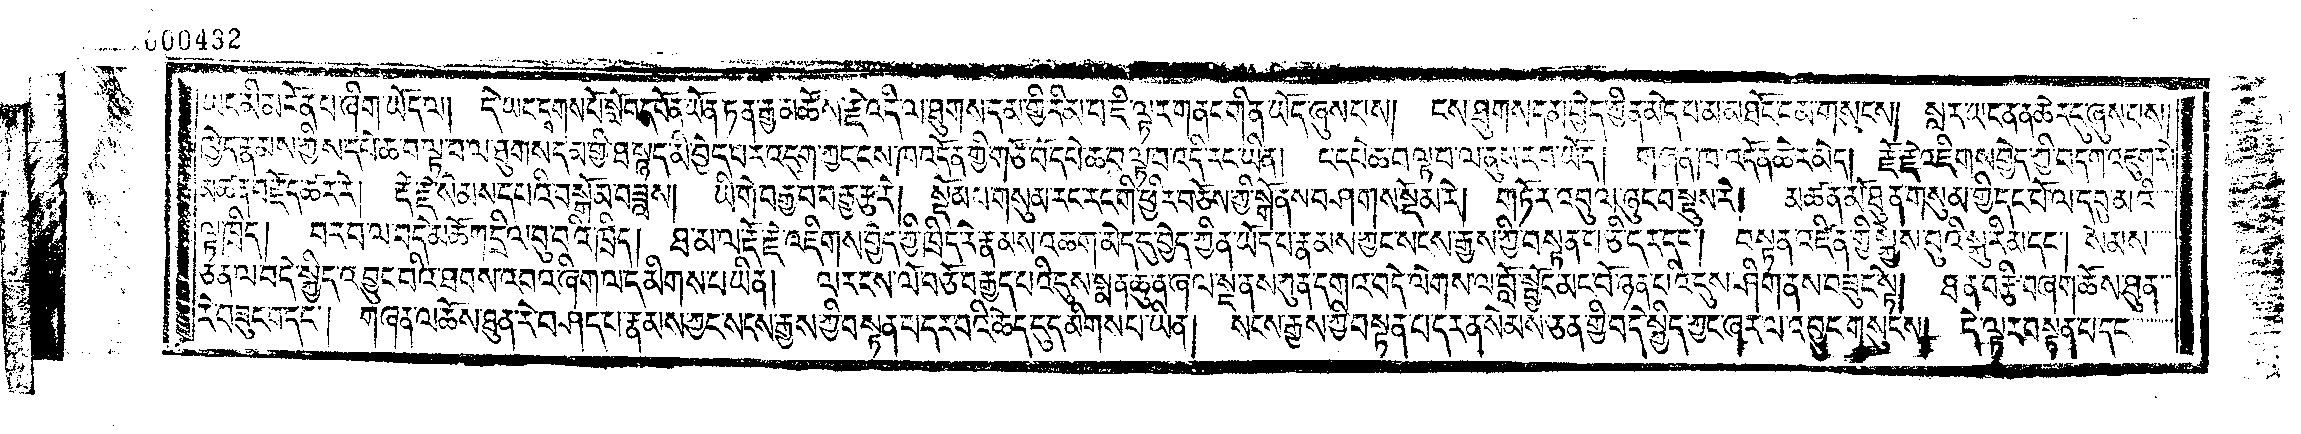ཡང་མི་མངོན་པ་ཞིག་ཡོད་ལ། དེ་ཡང་དྭགས་པོ་སློབ་དཔོན་ཡོན་ཏན་རྒྱ་མཚོས་རྗེ་འདི་ལ་ཐུགས་དམ་གྱི་རིམ་པ་ཇི་ལྟར་གནང་གིན་ཡོད་ཞུས་པས། ངས་ཐུགས་དམ་བྱེད་ཀྱིན་མེད་པ་མཐོང་ངམ་གསུངས། སླར་ཡང་ནན་ཆེར་དུ་ཞུས་པས།
ཁྱེད་རྣམས་ཀྱིས་དབེ་ཆ་བལྟ་བ་ལ་ཐུགས་དམ་གྱི་ཐ་སྙད་མི་བྱེད་པར་འདུག་ཀྱང་ངས་ཁ་འདོན་གྱི་གཙོ་པོ་དཔེ་ཆ་བལྟ་བ་འདི་རང་ཡིན། ང་དཔེ་ཆ་བལྟ་བ་ལ་ནུས་རབ་ཡོད། གཞན་ཁ་འདོན་ཆེར་མེད། རྡོ་རྗེ་འཇིགས་བྱེད་ཀྱི་བདག་འཇུག་རེ།
མཚན་བརྗོད་ཚར་རེ། རྡོ་རྗེ་སེམས་དཔའི་བསྒོམ་བཟླས། ཡི་གེ་བརྒྱ་པ་བརྒྱ་རྩ་རེ། སྡོམ་པ་གསུམ་རང་རང་གི་ཕྱིར་བཅོས་ཀྱི་སྒོ་ནས་བཤགས་སྔོམ་རེ། གཏོར་འབུལ་ཉུང་བསྡུས་ཏེ། མཚན་མོ་ཐུན་གསུམ་གྱི་དང་པོ་ལ་དབུ་མའི་
ལྟ་ཁྲིད། བར་པ་ལ་བདེ་མཆོག་དྲིལ་བུ་པའི་ཁྲིད། ཐ་མ་ལ་རྡོ་རྗེ་འཇིགས་བྱེད་ཀྱི་ཁྲིད་རེ་རྣམས་འཆག་མེད་དུ་བྱེད་ཀྱིན་ཡོད་པ་རྣམས་ཀྱང་སངས་རྒྱས་ཀྱི་བསྟན་པ་ཅི་དར་དང་། བསྟན་འཛིན་གྱི་སྐྱེས་བུའི་སྐུ་རིམ་དང་། སེམས་
ཅན་ལ་བདེ་སྐྱིད་འབྱུང་བའི་ཐབས་འབའ་ཞིག་ལ་དམིགས་པ་ཡིན། ལར་ངས་ལོ་བཅོ་བརྒྱད་པའི་དུས་སྨན་ཆུ་ན་ཞལ་སྔ་ནས་ཀུན་དགའ་བདེ་ལེགས་ལ་བློ་སྦྱོང་མང་པོ་ཉན་པའི་དུས་ཤིག་ནས་བཟུང་སྟེ། ཐ་ན་བརྩི་བཞག་ཆོས་ཐུན་
རེ་བཟུང་བ་དང་། གཞན་ལ་ཆོས་ཐུན་རེ་བཤད་པ་རྣམས་ཀྱང་སངས་རྒྱས་ཀྱི་བསྟན་པ་དར་བའི་ཆེད་དུ་དམིགས་པ་ཡིན། སངས་རྒྱས་ཀྱི་བསྟན་པ་དར་ན་སེམས་ཅན་གྱི་བདེ་སྐྱིད་ཀྱང་ཞར་ལ་འབྱུང་གསུངས། དེ་ལྟར་བསྟན་པ་དང་